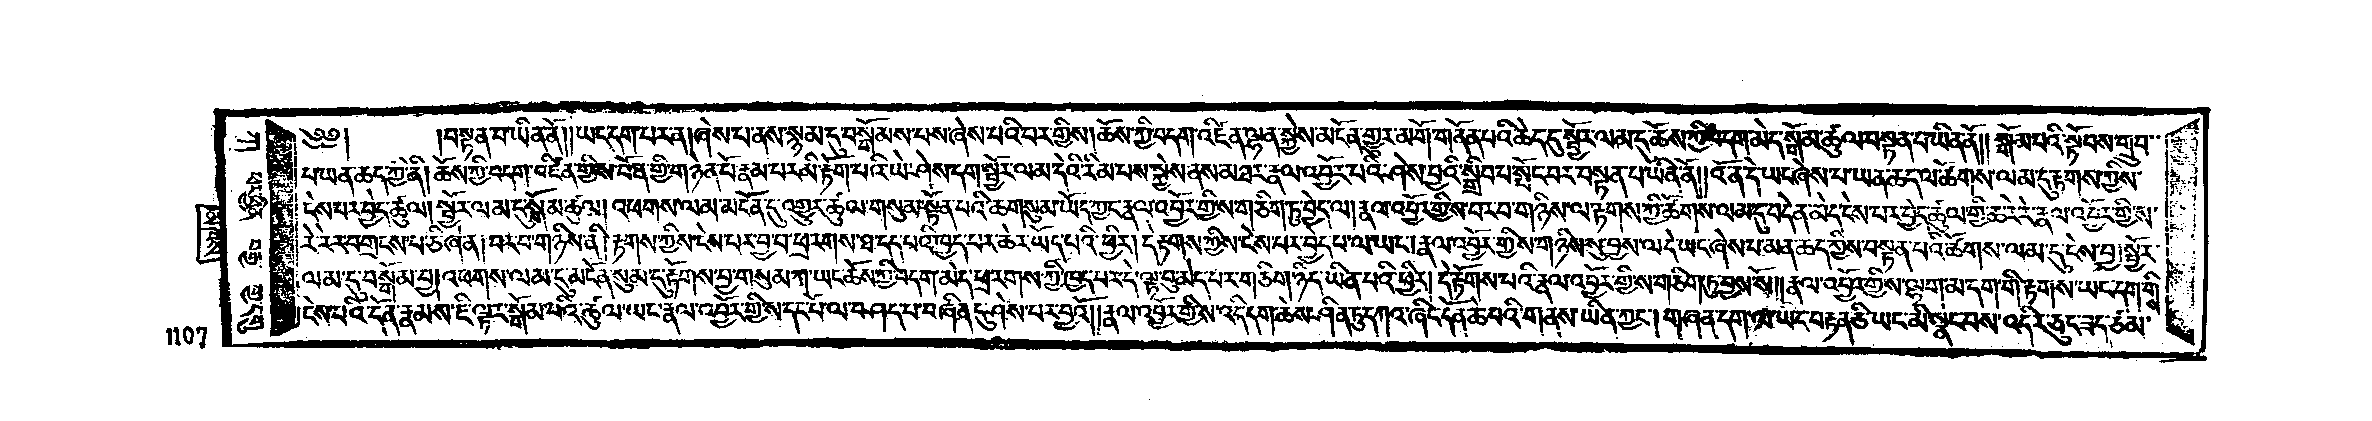༄༅། །བསྟན་པ་ཡིན་ནོ། །ཡང་དག་པར་ན། ཞེས་པ་ནས་སྙམ་དུ་བསྒོམས་པས་ཞེས་པའི་བར་གྱིས། ཆོས་ཀྱི་བདག་འཛིན་ལྷན་སྐྱེས་མངོན་གྱུར་མགོ་གནོན་པའི་ཆེད་དུ་སྦྱོར་ལམ་དུ་ཆོས་ཀྱི་བདག་མེད་སྒོམ་ཚུལ་བསྟན་པ་ཡིན་ནོ། །སྒོམ་པའི་སྟོབས་གྲུབ་
པ་ཡན་ཆད་ཀྱི་ནི། ཆོས་ཀྱི་བདག་འཛིན་གྱི་ས་བོན་གྱི་གཉེན་པོ་རྣམ་པར་མི་རྟོག་པའི་ཡེ་ཤེས་དག་སྦྱོར་ལམ་དེའི་རིམ་པས་སྐྱེས་ནས་མཐར་རྣལ་འབྱོར་པའི་ཤེས་བྱའི་སྒྲིབ་པ་སྤོང་བར་བསྟན་པ་ཡིན་ནོ། །འོ་ན་དེ་ཡང་ཞེས་པ་ཡན་ཆད་ལ་ཚོགས་ལམ་དུ་རྟགས་ཀྱིས་
ངེས་པར་བྱེད་ཚུལ། སྦྱོར་ལམ་དུ་སྒོམ་ཚུལ། འཕགས་ལམ་མངོན་དུ་འགྱུར་ཚུལ་གསུམ་སྟོན་པའི་ཆ་གསུམ་ཡོད་ཀྱང་རྣལ་འབྱོར་གྱི་ས་གཅིག་ཏུ་བྱེད་ལ། རྣལ་འབྱོར་གྱི་ས་བར་བ་གཉིས་ལ་རྟགས་ཀྱི་ཚོགས་ལམ་དུ་བདེན་མེད་ངེས་པར་བྱེད་ཚུལ་གྱི་ཆ་རེ་རེ་རྣལ་འབྱོར་གྱི་ས་
རེ་རེར་བགྲངས་པ་ཅི་ཞེ་ན། བར་པ་གཉིས་ནི། རྟགས་ཀྱིས་ངེས་པར་བྱ་བ་ཕྲ་རགས་ཐ་དད་པའི་ཁྱད་པར་ཆེར་ཡོད་པའི་ཕྱིར། དེ་རྟགས་ཀྱིས་ངེས་པར་བྱེད་པ་ལ་ཡང་། རྣལ་འབྱོར་གྱིས་གཉིས་སུ་བྱས་ལ་དེ་ཡང་ཞེས་པ་མན་ཆད་ཀྱིས་བསྟན་པའི་ཚོགས་ལམ་དུ་ངེས་བྱ། སྦྱོར་
ལམ་དུ་བསྒོམ་བྱ། འཕགས་ལམ་དུ་མངོན་སུམ་དུ་རྟོགས་བྱ་གསུམ་ཀ་ཡང་ཆོས་ཀྱི་བདག་མེད་ཕྲ་རགས་ཀྱི་ཁྱད་པར་དེ་ལྟ་བུ་མེད་པར་གཅིག་ཉིད་ཡིན་པའི་ཕྱིར། དེ་རྟོགས་པའི་རྣལ་འབྱོར་གྱི་ས་གཅིག་ཏུ་བྱས་སོ། །རྣལ་འབྱོར་གྱི་ས་ལྷག་མ་དག་གི་རྟགས་ཡང་དག་གིས་
ངེས་པའི་དོན་རྣམས་ཇི་ལྟར་སྒོམ་པའི་ཚུལ་ཡང་རྣལ་འབྱོར་གྱི་ས་དང་པོ་ལ་བཤད་པ་བཞིན་དུ་ཤེས་པར་བྱའོ། །རྣལ་འབྱོར་གྱི་ས་འདི་དག་ཆེས་ཤིན་ཏུ་དཀའ་ཞིང་དོན་ཆེ་བའི་གནས་ཡིན་ཀྱང་། གཞན་དག་ལ་ཡིད་བརྟན་ཅི་ཡང་མི་སྣང་བས་འདིར་ཅུང་ཟད་ཙམ་